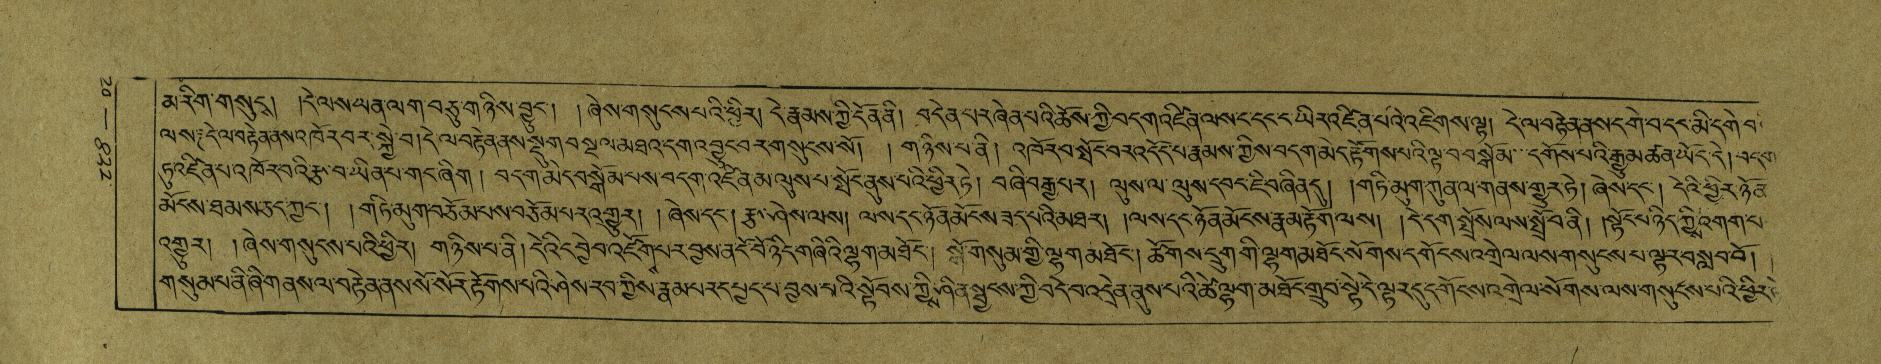མ་རིག་གསུངས། །དེ་ལས་ཡན་ལག་བཅུ་གཉིས་བྱུང་། །ཞེས་གསུངས་པའི་ཕྱིར། དེ་རྣམས་ཀྱི་དོན་ནི། བདེན་པར་ཞེན་པའི་ཆོས་ཀྱི་བདག་འཛིན་ལས་ང་དང་ང་ཡིར་འཛིན་པའི་འཇིགས་ལྟ། དེ་ལ་བརྟེན་ནས་དགེ་བ་དང་མི་དགེ་བའི་
ལས༑ དེ་ལ་བརྟེན་ནས་འཁོར་བར་སྐྱེ་བ། དེ་ལ་བརྟེན་ནས་སྡུག་བསྔལ་མཐའ་དག་འབྱུང་བར་གསུངས་སོ། །གཉིས་པ་ནི། འཁོར་བ་སྤོང་བར་འདོད་པ་རྣམས་ཀྱིས་བདག་མེད་རྟོགས་པའི་ལྟ་བ་བསྒོམ་དགོས་པའི་རྒྱུ་མཚན་ཡོད་དེ། བདག་
ཏུ་འཛིན་པ་འཁོར་བའི་རྩ་བ་ཡིན་པ་གང་ཞིག །བདག་མེད་བསྒོམ་པས་བདག་འཛིན་མ་ལུས་པ་སྤོང་ནུས་པའི་ཕྱིར་ཏེ། བཞི་བརྒྱ་པར། ལུས་ལ་ལུས་དབང་ཇི་བཞིན་དུ། །གཏི་མུག་ཀུན་ལ་གནས་གྱུར་ཏེ། ཞེས་དང་། དེའི་ཕྱིར་ཉོན་
མོངས་ཐམས་ཅད་ཀྱང་། །གཏི་མུག་བཅོམ་པས་བཅོམ་པར་འགྱུར། །ཞེས་དང་། རྩ་ཤེས་ལས། ལས་དང་ཉོན་མོངས་ཟད་པའི་མཐར། །ལས་དང་ཉོན་མོངས་རྣམ་རྟོག་ལས། །དེ་དག་སྤྲོས་ལས་སྤྲོ་བ་ནི། །སྟོང་པ་ཉིད་ཀྱིས་འགག་པར་
འགྱུར། །ཞེས་གསུངས་པའི་ཕྱིར། གཉིས་པ་ནི། དེའི་དབྱེ་བ་འཛོགས་པར་བྱས་ན་ངོ་བོ་ཉིད་གཞིའི་ལྷག་མཐོང་། སྒོ་གསུམ་གྱི་ལྷག་མཐོང་། ཚོགས་དྲུག་གི་ལྷག་མཐོང་སོགས་དགོངས་འགྲེལ་ལས་གསུངས་པ་ལྟར་བསླབ་བོ། །
གསུམ་པ་ནི་ཞི་གནས་ལ་བརྟེན་ནས་སོ་སོར་རྟོགས་པའི་ཤེས་རབ་ཀྱིས་རྣམ་པར་དཔྱད་པ་བྱས་པའི་སྟོབས་ཀྱིས་ཤིན་སྦྱངས་ཀྱི་བདེ་བ་འདྲེན་ནུས་པའི་ཚེ་ལྷག་མཐོང་གྲུབ་སྟེ་དེ་ལྟར་དུ་དགོངས་འགྲེལ་སོགས་ལས་གསུངས་པའི་ཕྱིར་ཏེ།